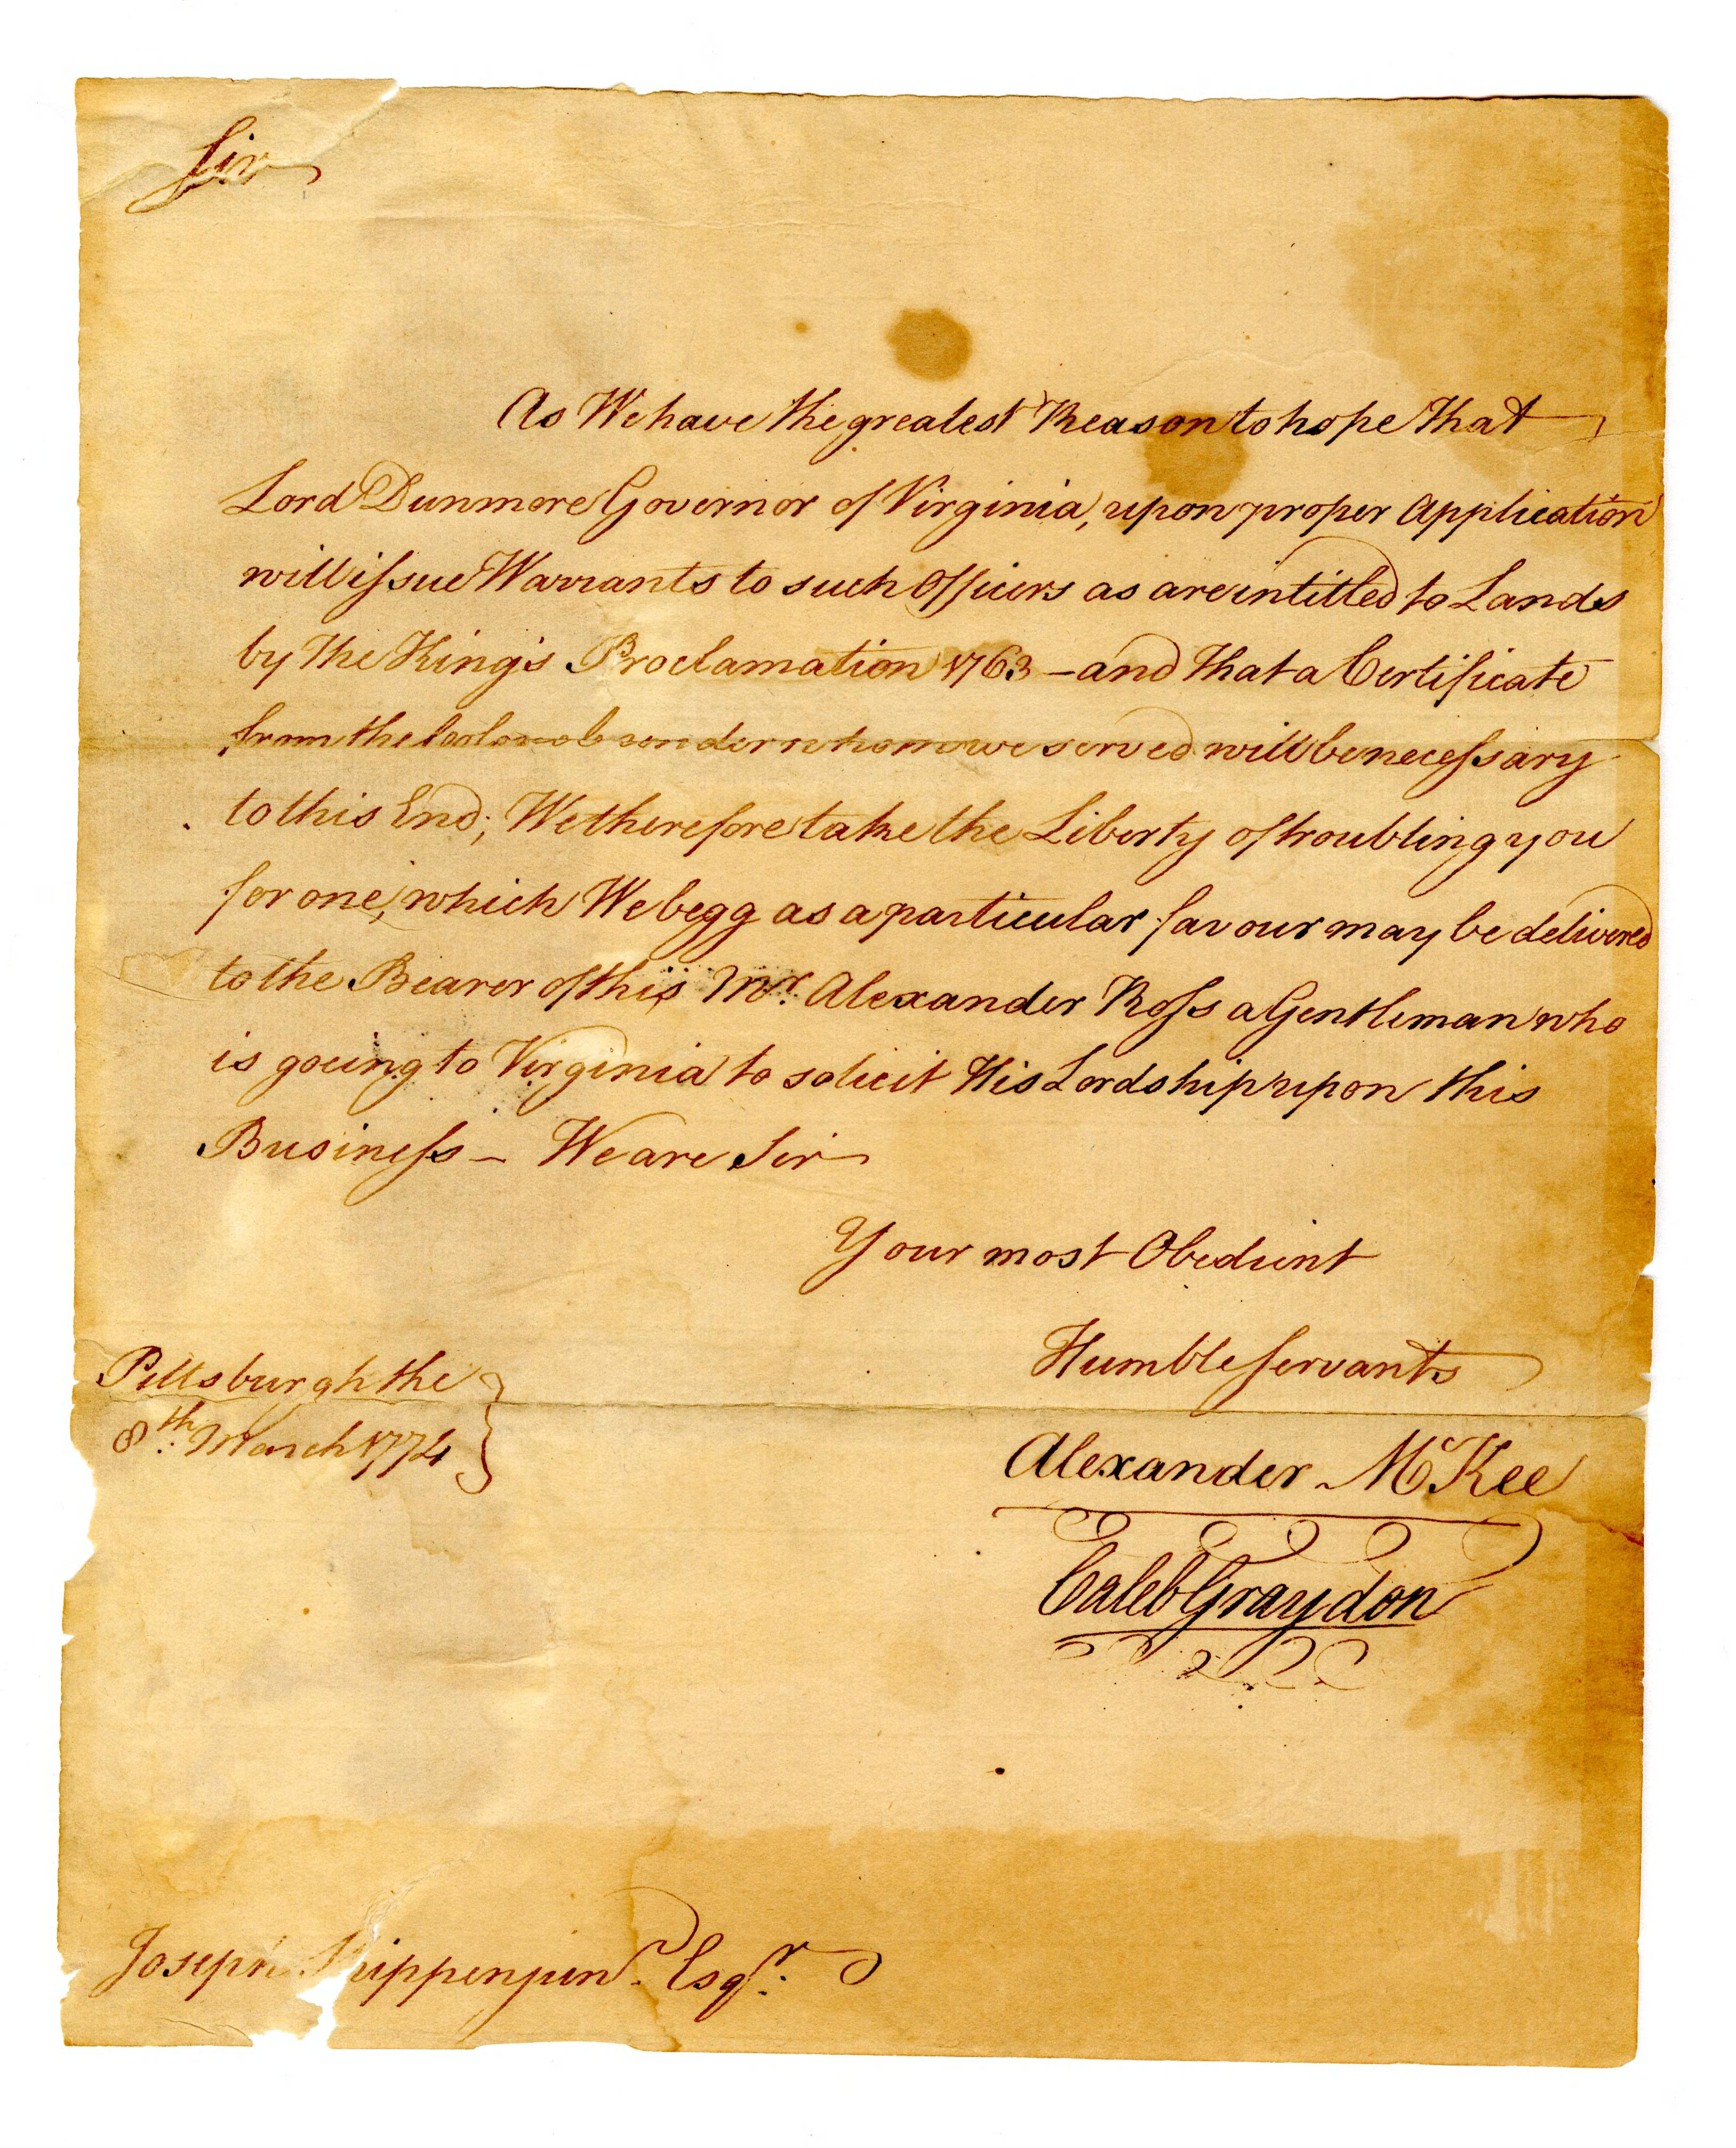Sir
As We have the greatest Reason to hope that
Lord Dunmore Governor of Virginia, upon proper Application
will issue Warrants to such Officers as are intitled to Lands
by The King's Proclamation 1763- and That a Certificate
from the [________________________] served will be necessary
to this End; We therefore take the Liberty of troubling you
for one, which We begg as a particular favour may be delivered
to the Bearer of this M^r. Alexander Ross a Gentleman who
is going to Virginia to solicit His Lordship upon this
Business- We are Sir
Your most Obedeint
Humble servants
Alexander M^cKee
Caleb Graydon
Pittsburgh the
8^th: March 1774
Joseph Shippen jun^r. Esq^r: